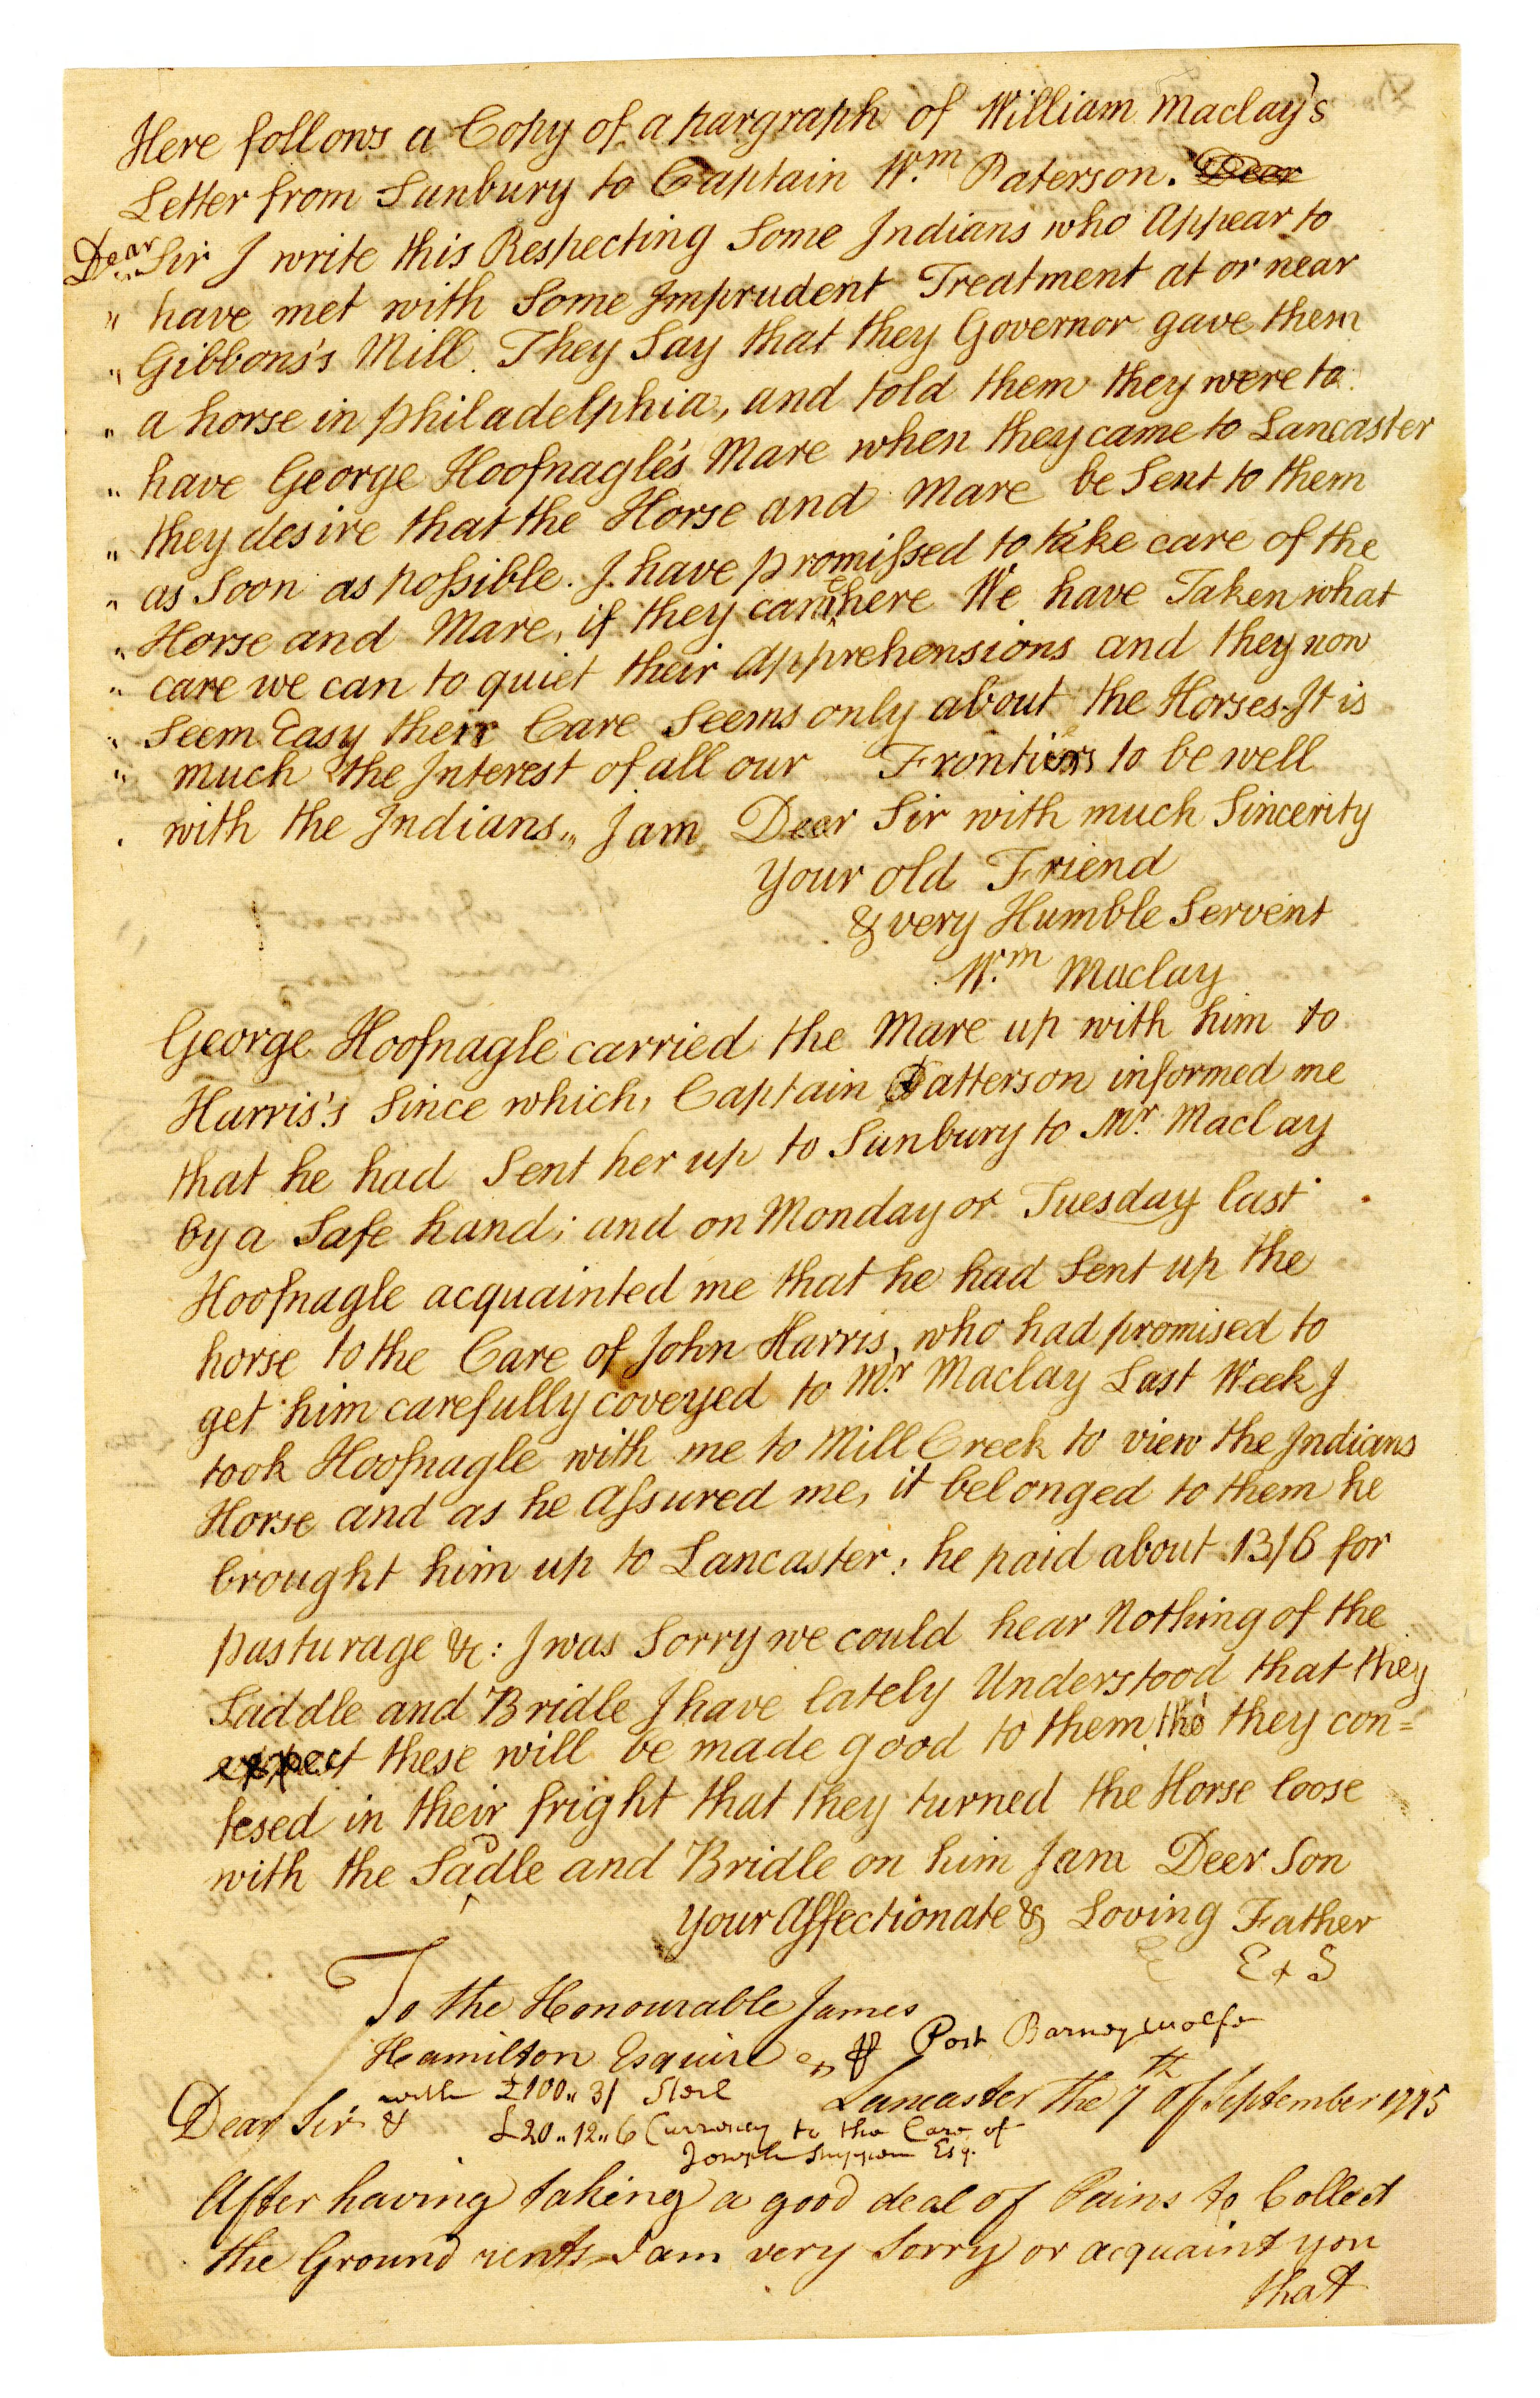Here follows a Copy of a pargraph of William Maclay's
Letter from Sunbury to Captain W.^m Paterson. [Dear]
D^ear Sir I write this Respecting Some Indians who Appear to
"have met with Some Imprudent Treatment at or near
"Gibbons's Mill. They Say that they Governor gave them
"a horse in Philadelphia, and told them they were to
"have George Hoofnagle's Mare when they came to Lancaster
"they desire that the Horse and Mare be Sent to them
"as Soon as possible. I have promissed to take care of the
"Horse and Mare, if they cam^e here We have Taken what
"care we can to quiet their Apprehonsions and they now
"seem Easy their Care Seems only about the Horses. It is
much the Interest of all our Frontiers to be well
with the Indians."
I am Dear Sir with much Sincerity
Your old Friend
& very Humble Servent
W:^m Maclay
George Hoofnagle carried the Mare up with him to
Harris's Since which, Captain Patterson informed me
that he had Sent her up to Sunbury to M^r. Maclay
by a Safe hand; and on Monday or Tuesday last
Hoofnagle acquainted me that he had Sent up the
horse to the Care of John Harris, who had promised to
get him carefully coveyed to M^r. Maclay Last Week I
took Hoofnagle with me to Mill Creek to view the Indians
Horse and as he Assured me, it belonged to them he
brought him up to Lancaster; he paid about 13s6 for
pasturage &c: I was Sorry we could hear Nothing of the
Saddle and Bridle I have lately Understood that they
[expect] these will be made good to them tho' they con-
fesed in their fright that they turned the Horse loose
with the Sa^ddle and Bridle on him
I am Deer Son
Your Affectionate & Loving Father
E.S
To the Honourable James
Hamilton Esquire, per Post Barney Wolfe-
with £100.. 3s Sterl
Lancaster the 7^th of September 1775
£20..2..6 Currency to the Care of
Joseph Shippen Esq.
Dear Sir &
After having taking a good deal of Pains to Collect
the Ground rents I am very Sorry or acquaint you
that